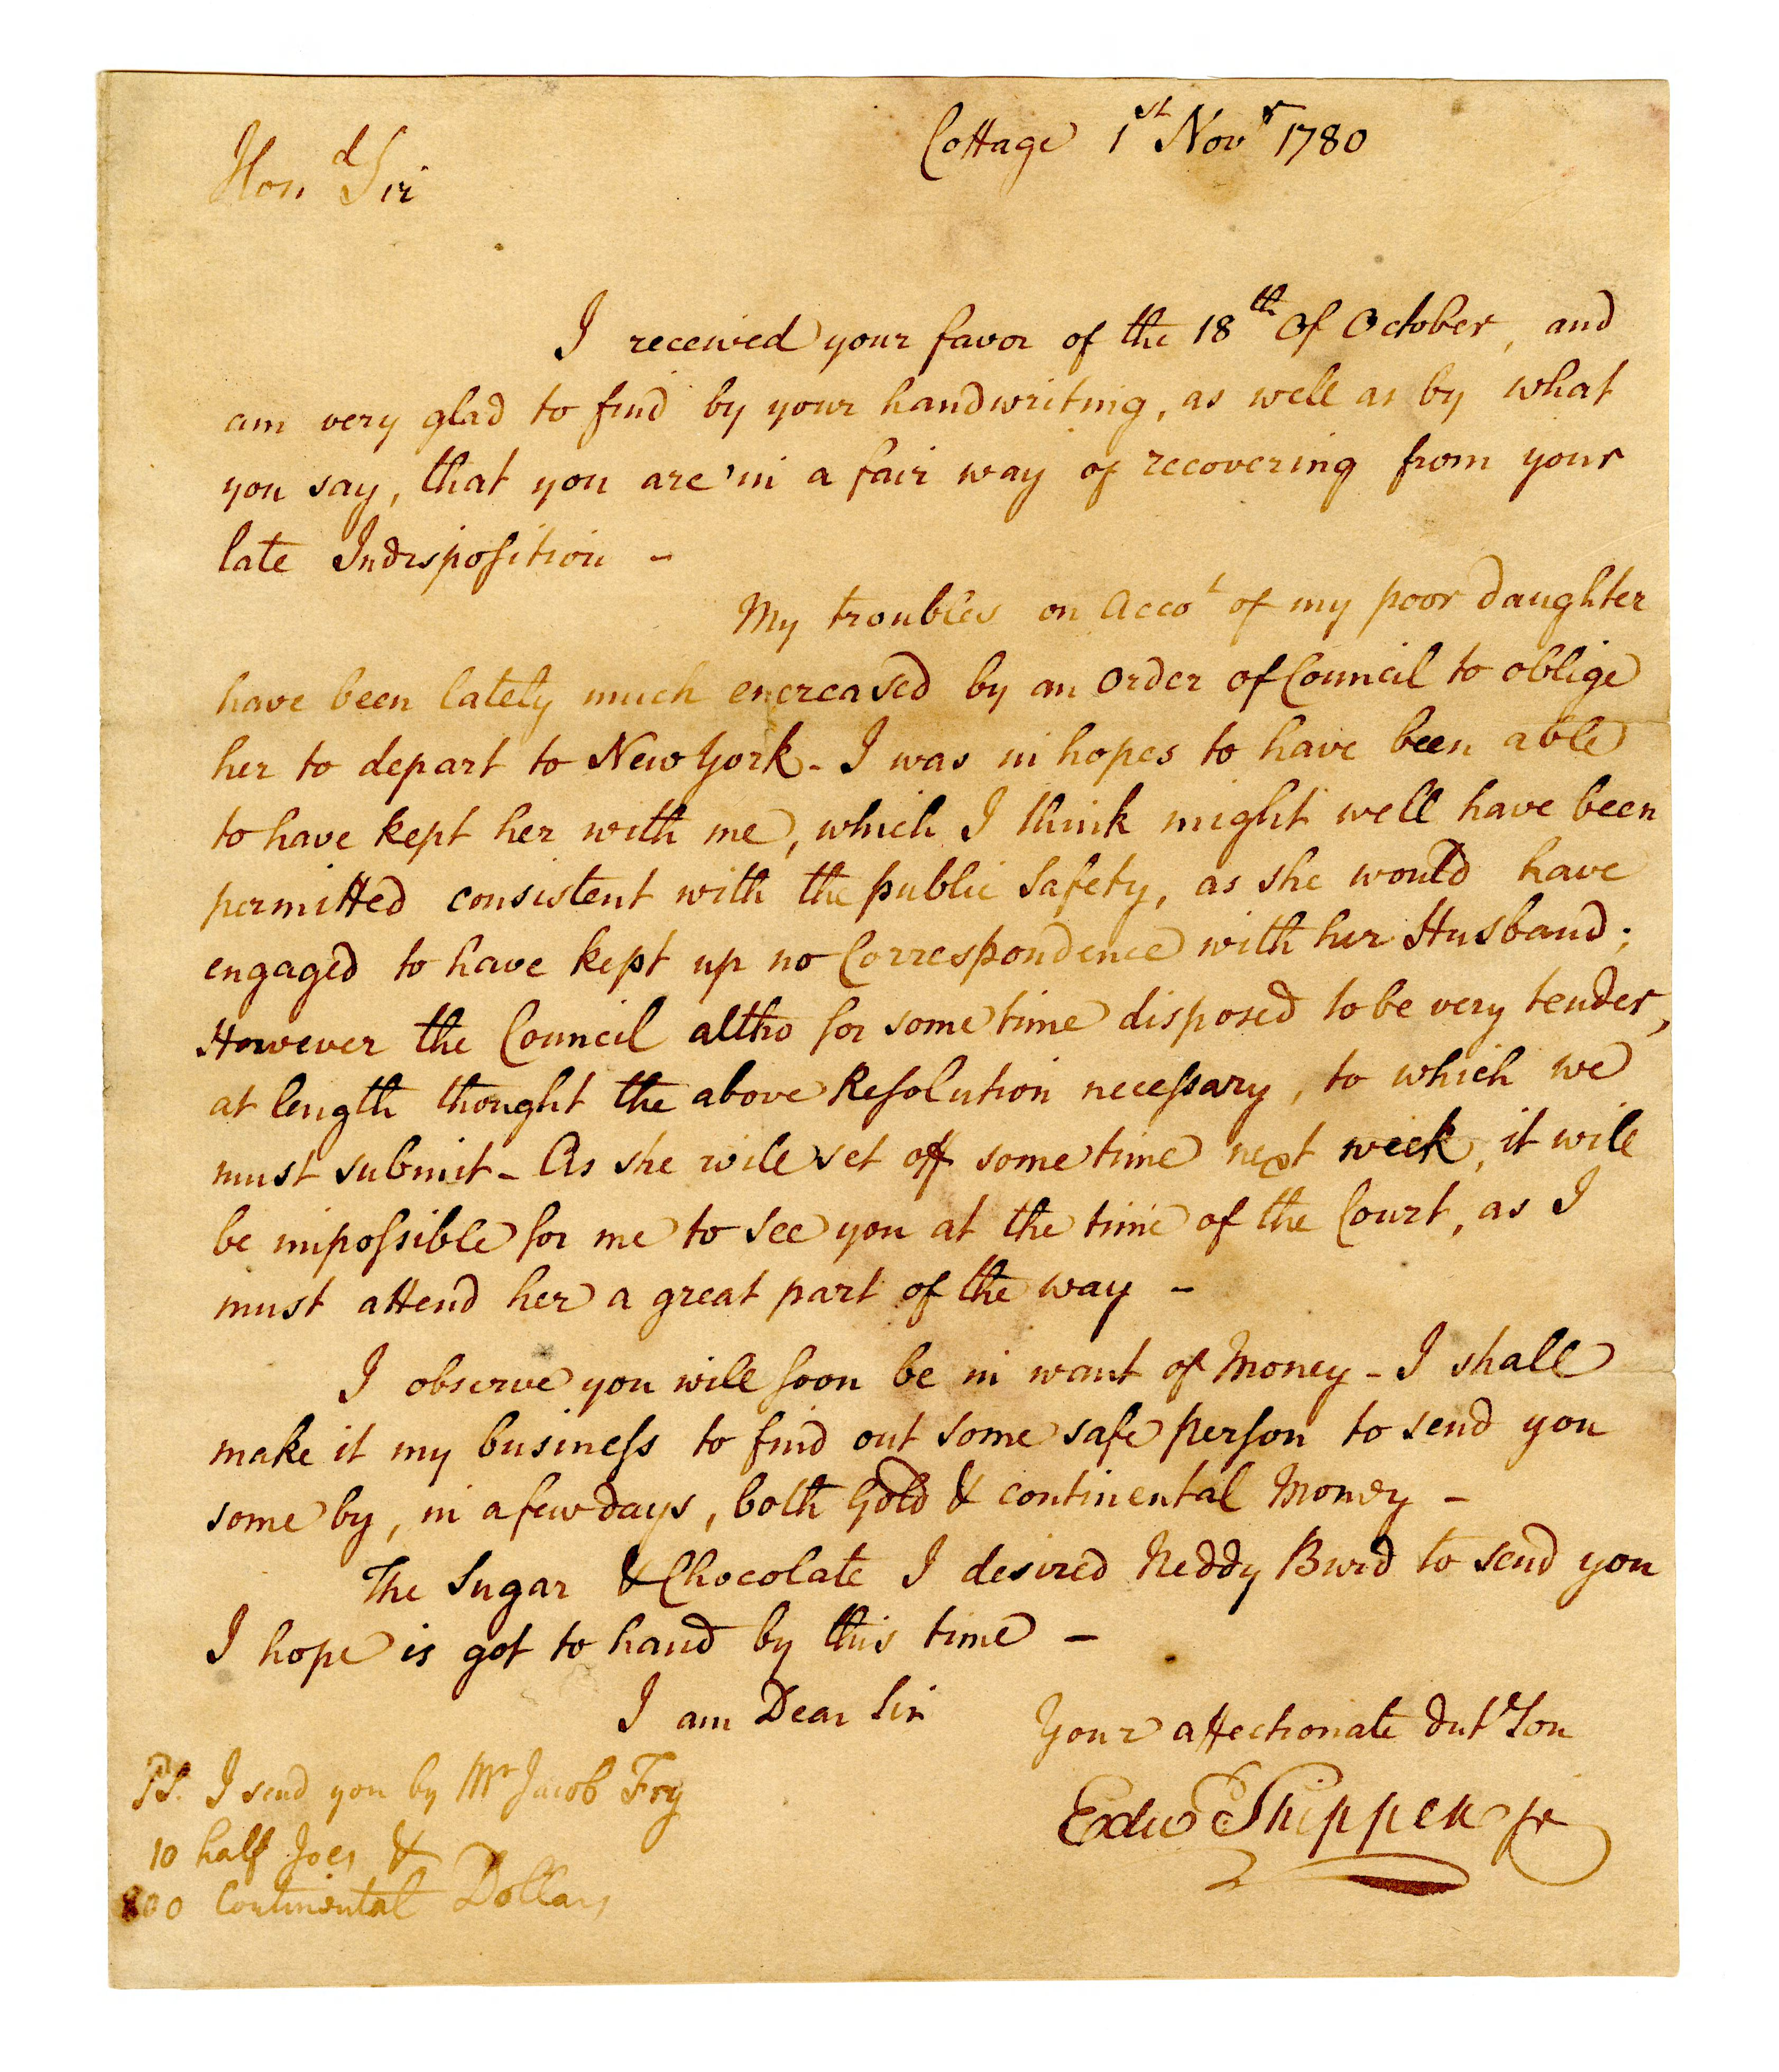Cottage 1^st Nov^r 1780
Hon.^d Sir
I received your favor of the 18^th of October, and
am very glad to find by your handwriting, as well as by what
you say, that you are in a fair way of recovering from your
late Indisposition-
My troubles on Acco^t of my poor daughter
have been lately much encreased by an Order of Council to oblige
her to depart to New York- I was in hopes to have been able
to have kept her with me, which I think might well have been
permitted consistent with the public safety, as she would have
engaged to have kept up no Correspondence with her Husband;
However the Council altho for some time disposed to be very tender,
at length thought the above Resolution necessary, to which we
must submit- As she will set off sometime next week, it will
be impossible for me to see you at the time of the Court, as I
must attend her a great part of the way-
I observe you will soon be in want of Money- I shall
make it my business to find out some safe person to send you
some by, in a few days, both Gold & continental Money-
The Sugar & Chocolate I desired Neddy Burd to send you
I hope is got to hand by this time-
I am Dear Sir
Your affectionate dut Son
Edw^d: Shippen jr
PS. I send you by M^r Jacob Fry
10 half Joes &
800 Continental Dollars